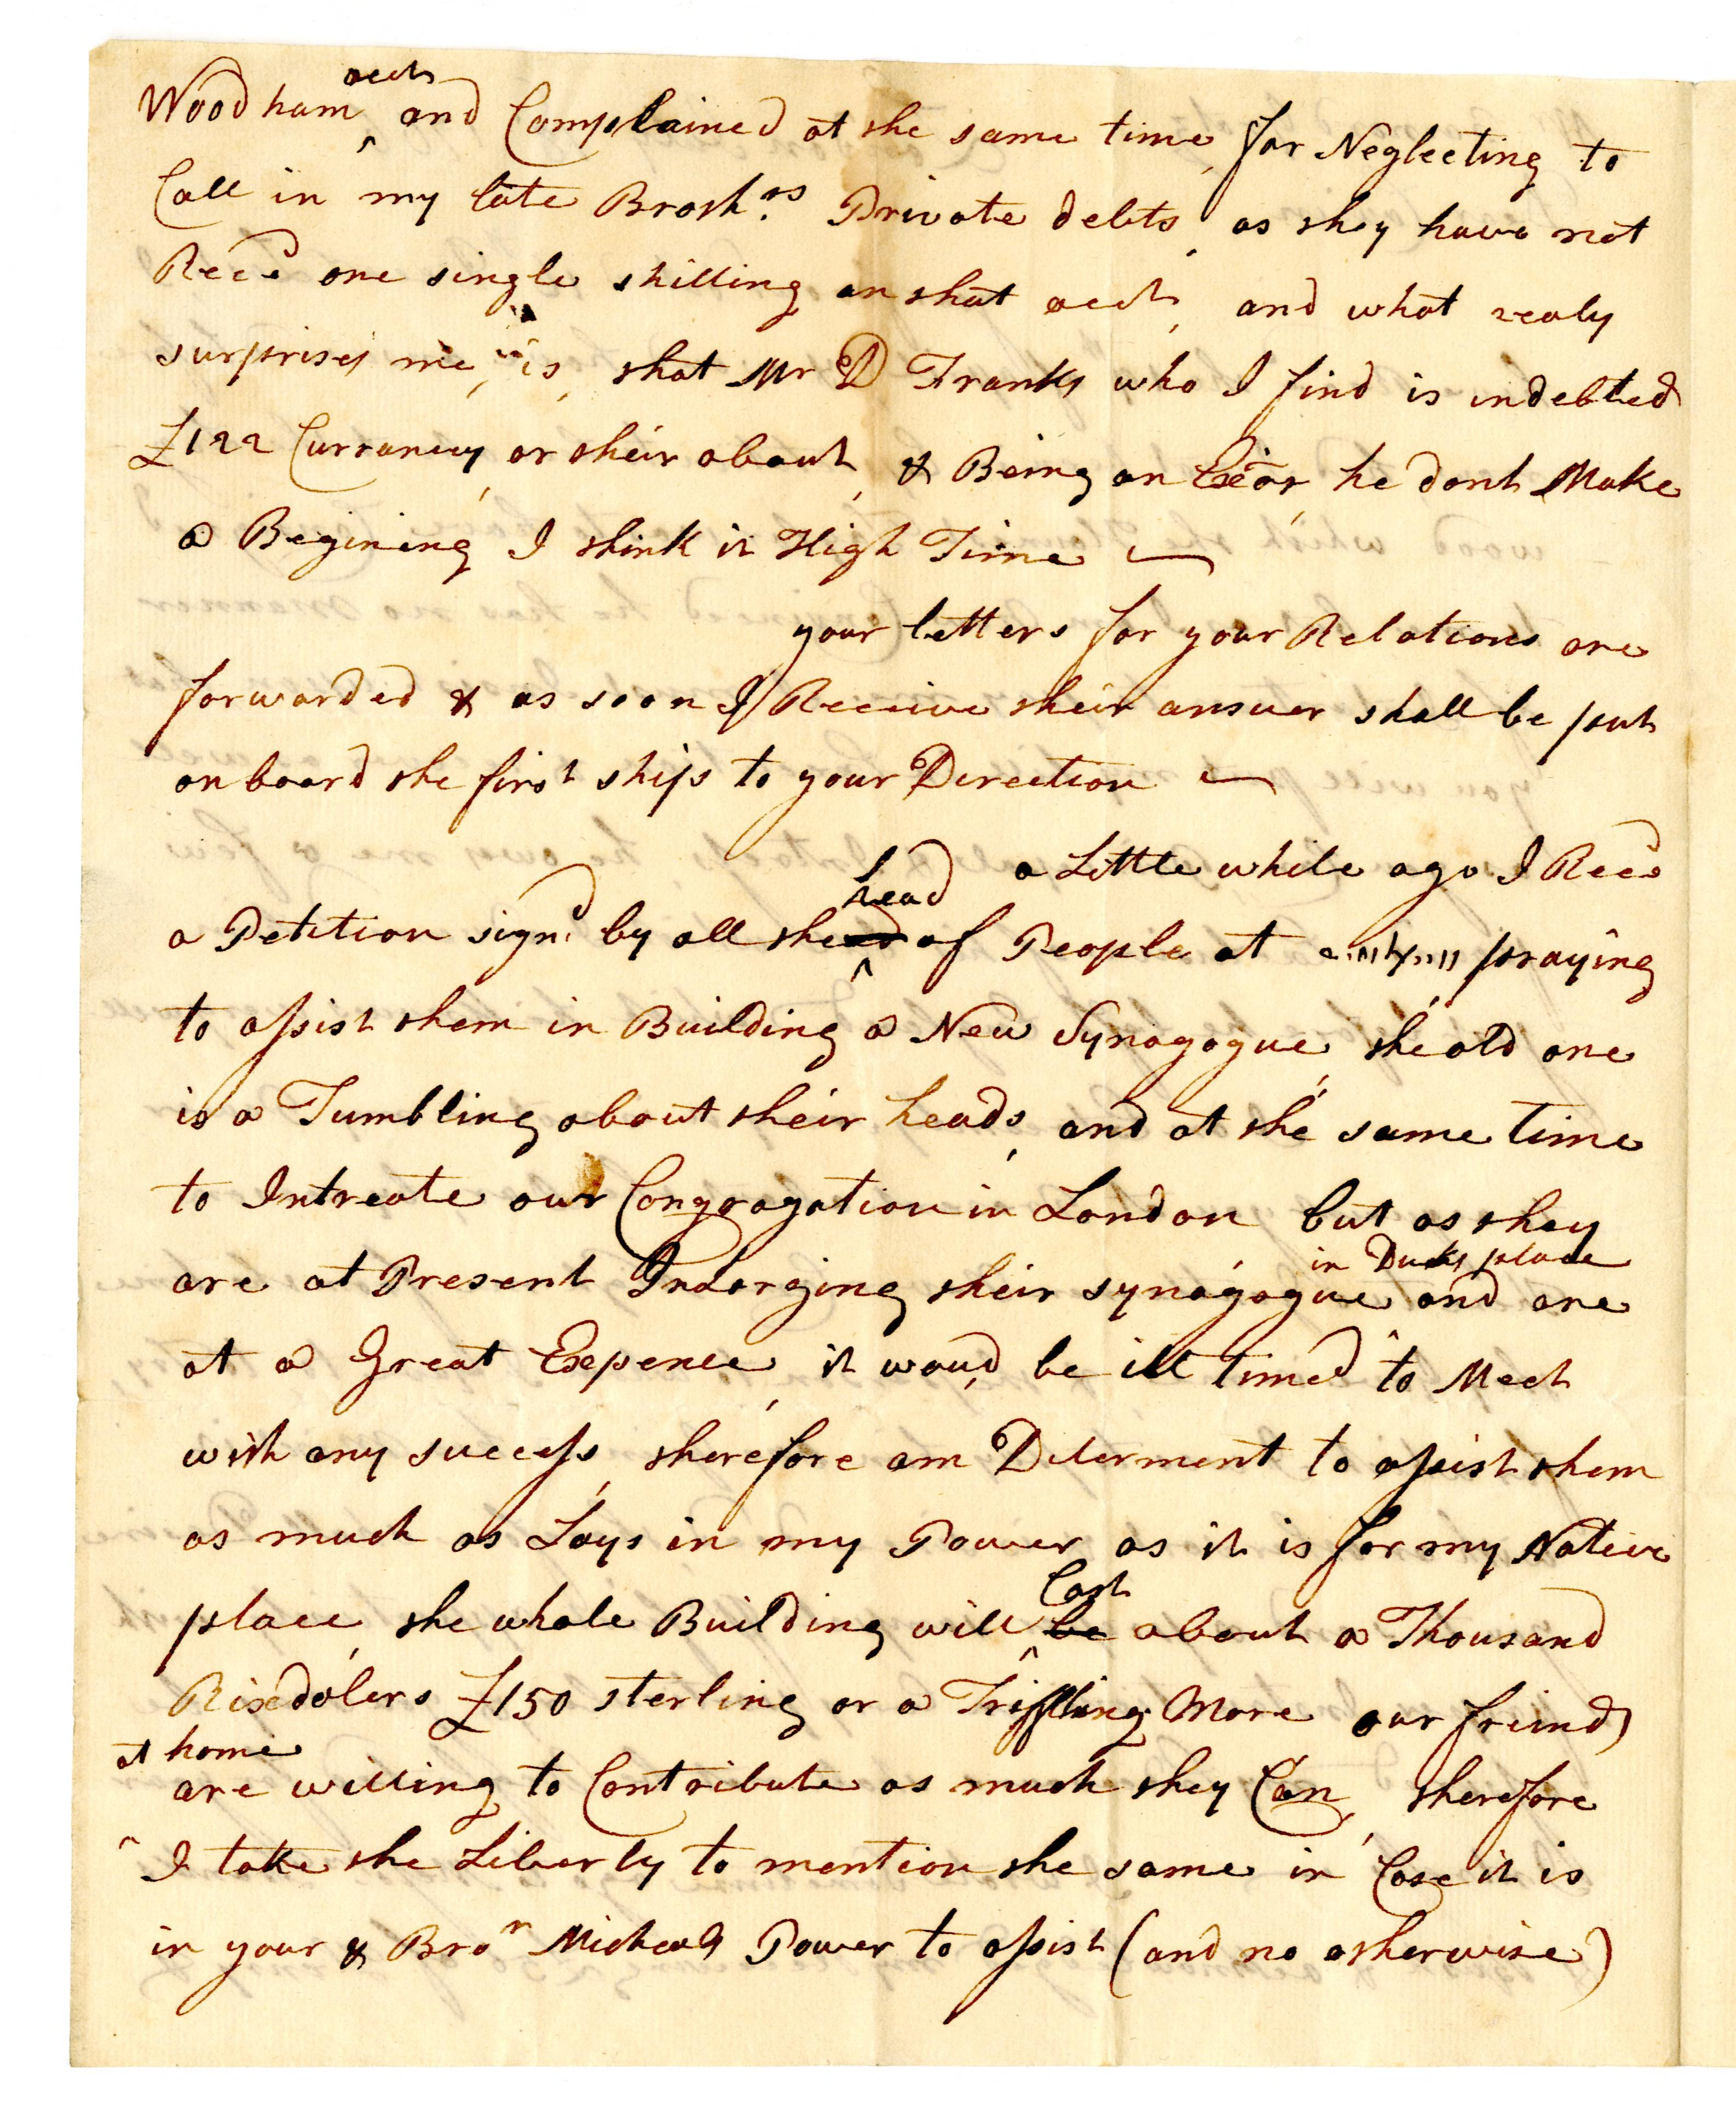out
Woodham ^ and Complained at the same time for Neglecting to
Call in my late Broth^rs. Private debts as they have not
rece^d one single shilling on that acc^t and what realy
surprises me is that M^r D Franks who I find is indebted
£122 Currency or their about, & Being on Exer he dont Make
a Begining I think is high Time-
your letters for your Relations are
forwarded & as soon I Receive their answer shall be put
on board the first ships to your Direction-
a Little while ago I Rece^d
a Petition sign^d by all the [__] ^ of People at [_____] praying
head
to assist them in Building a New Synogogue the old one
is a Tumbling about their heads and at the same time
to Intreate our Congregation in London but as they
in Dusks place
are at Present Inlarging their synagogue and one
at a Great Expence it woud be ill timed to Meet
with any success therefore am Determent to assist them
as much as Lays in my Power as it is for my Native
Cost
place the whole Building will ^ [be] about a Thousand
Rixdolers £150 sterling or a Triffling more our friend
at home
are willing to Contribute as much they Can, Therefore
I take the liberty to mention the same in Case it is
in your & Bro^r Michaels power to assist (and no otherwise)